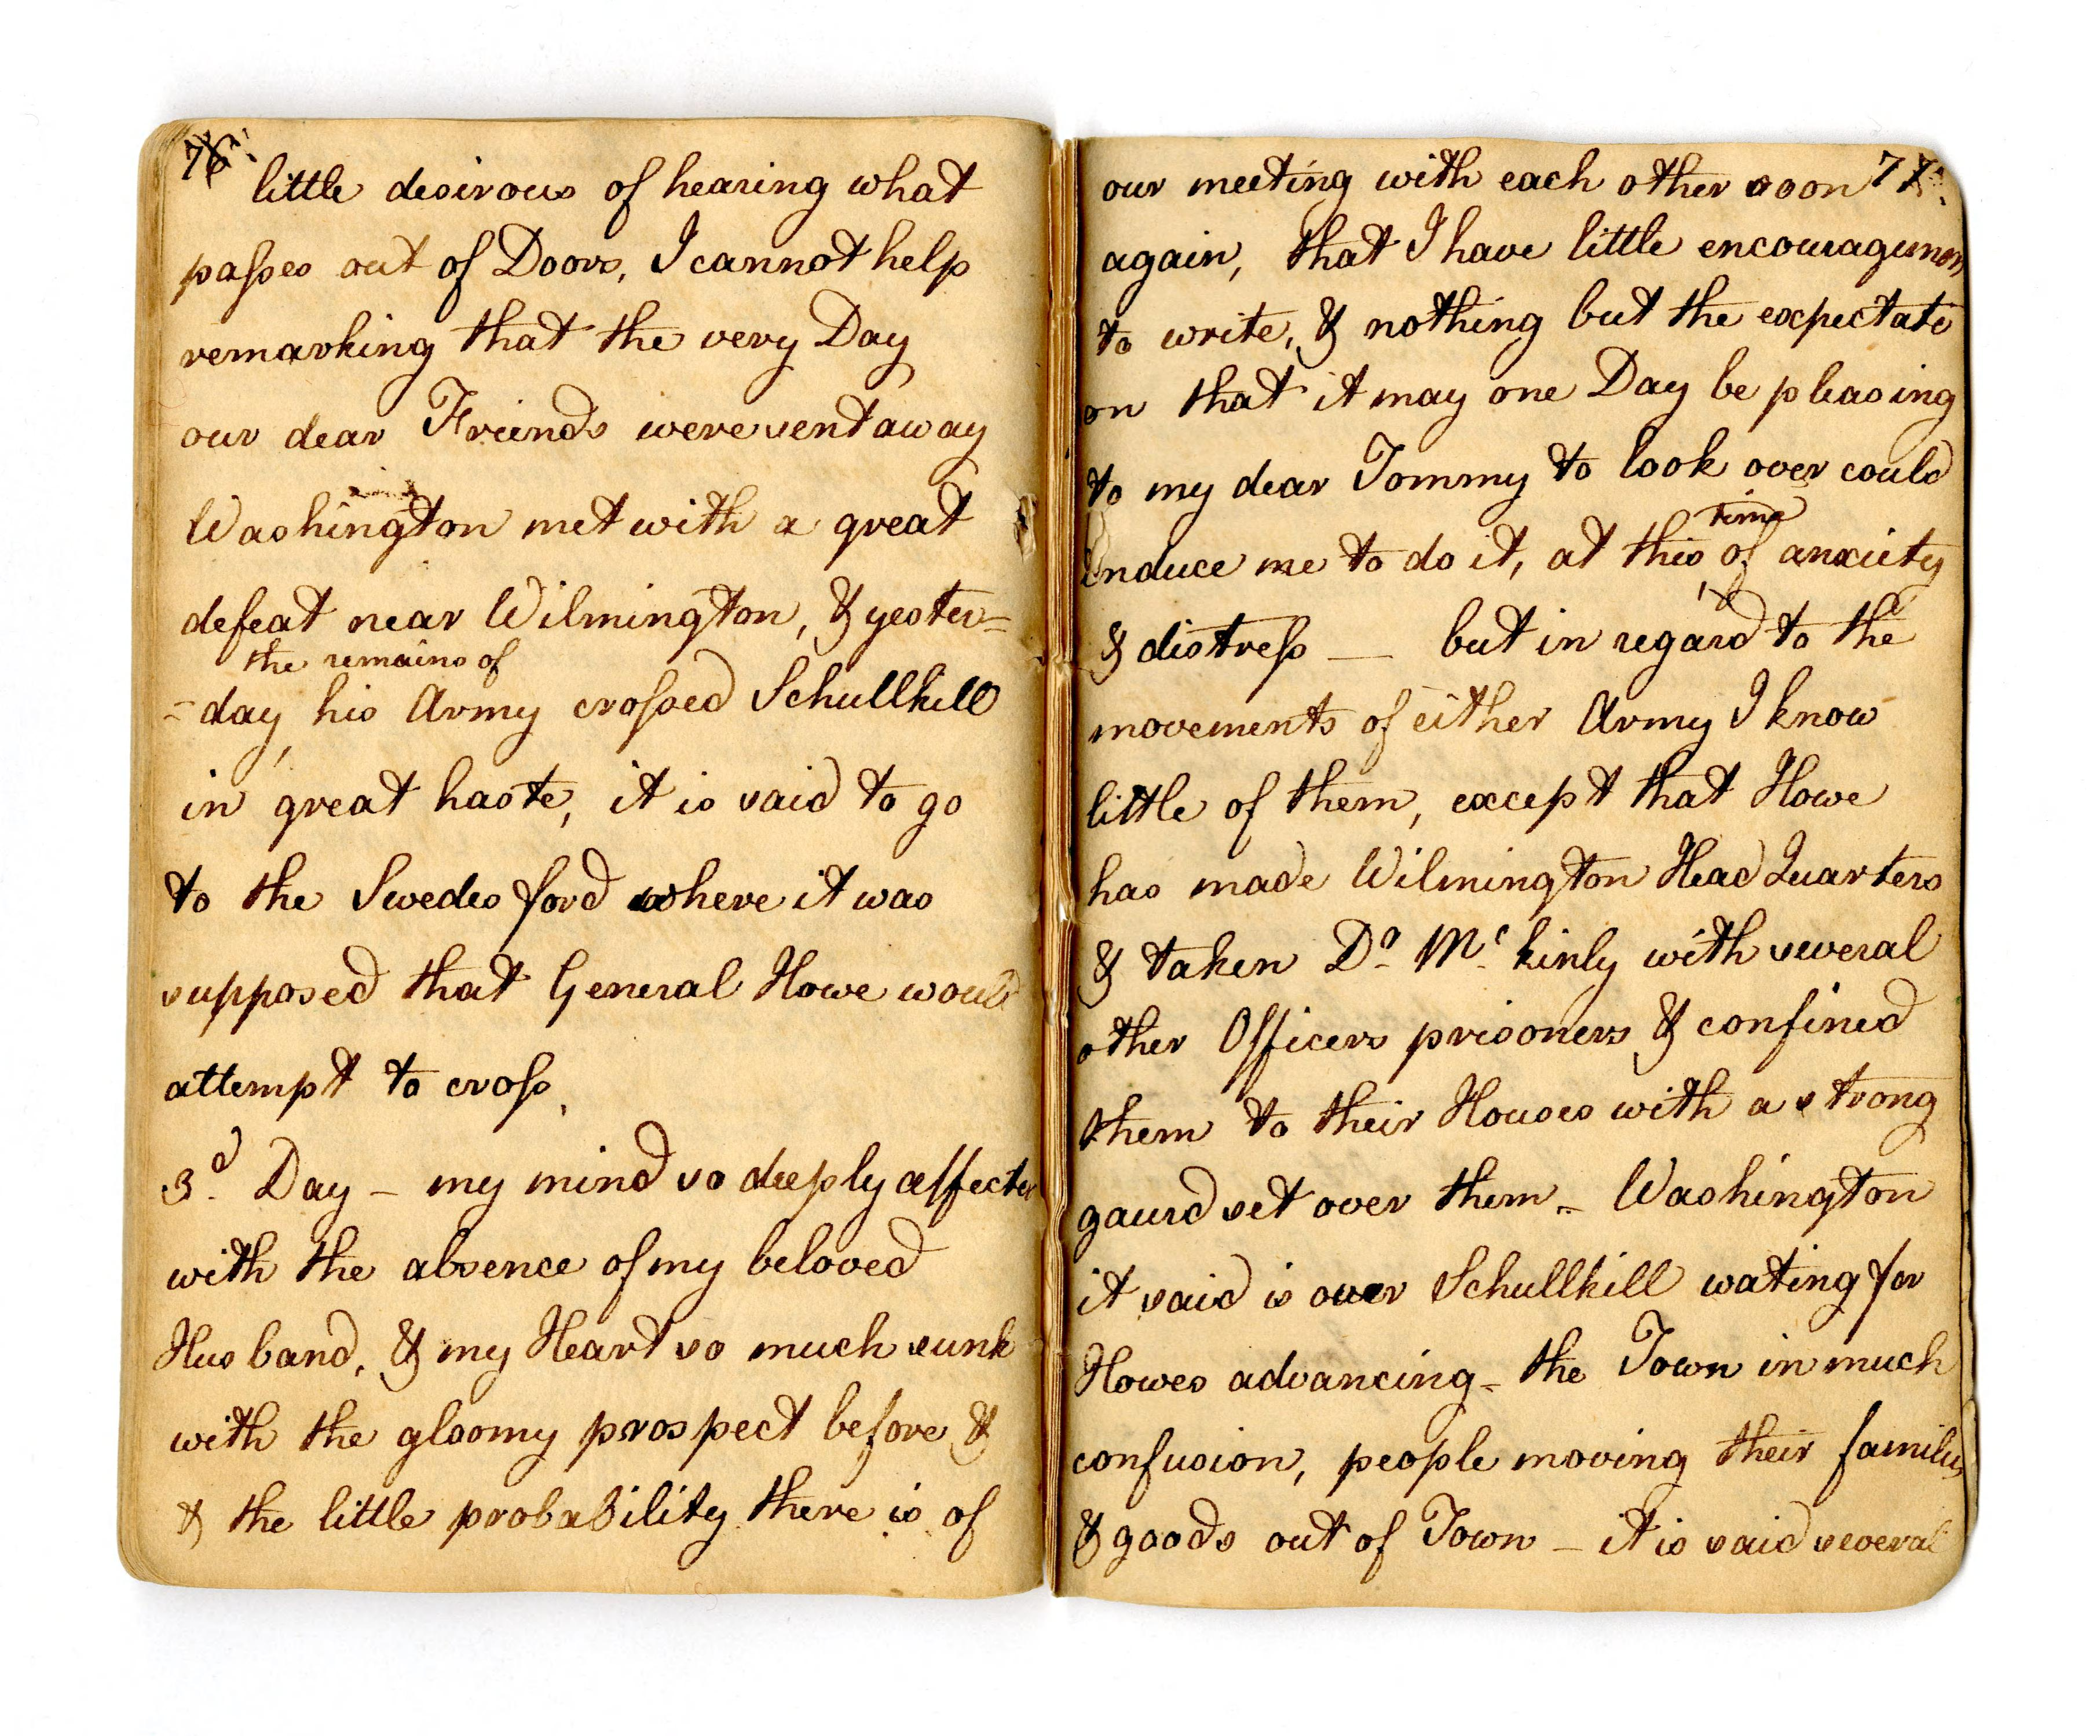little desirous of hearing what
passes out of Doors, I cannot help
remarking that the very Day
our dear Friends were sent away
Washington met with a great
defeat near Wilmington, & yester-
the remains of
-day his Army crossed Schullkill
in great haste, it is said to go
to the Swedes ford where it was
supposed that General Howe would
attempt to cross,
3^d. Day - my mind so deeply affected
with the absence of my beloved
Husband, & my Heart so much sunk
with the gloomy prospect before &
& the little probability there is of
our meeting with each other soon
again, that I have little encouragemen
to write, & nothing but the expectati
on that it may one Day be pleasing
to my dear Tommy to look over could
time
Induce me to do it, at this ^ of anxiety
& distress- but in regard to the
movements of either Army I know
little of them, except that Howe
has made Wilmington Head Quarters
& taken D^r M^c.kinly with several
other Officers prisoners & confined
them to their Houses with a strong
gaurd set over them- Washington
it said is over Schullkill wating for
Howes advancing- the Town in much
confusion, people moving their family
& goods out of Town- it is said several